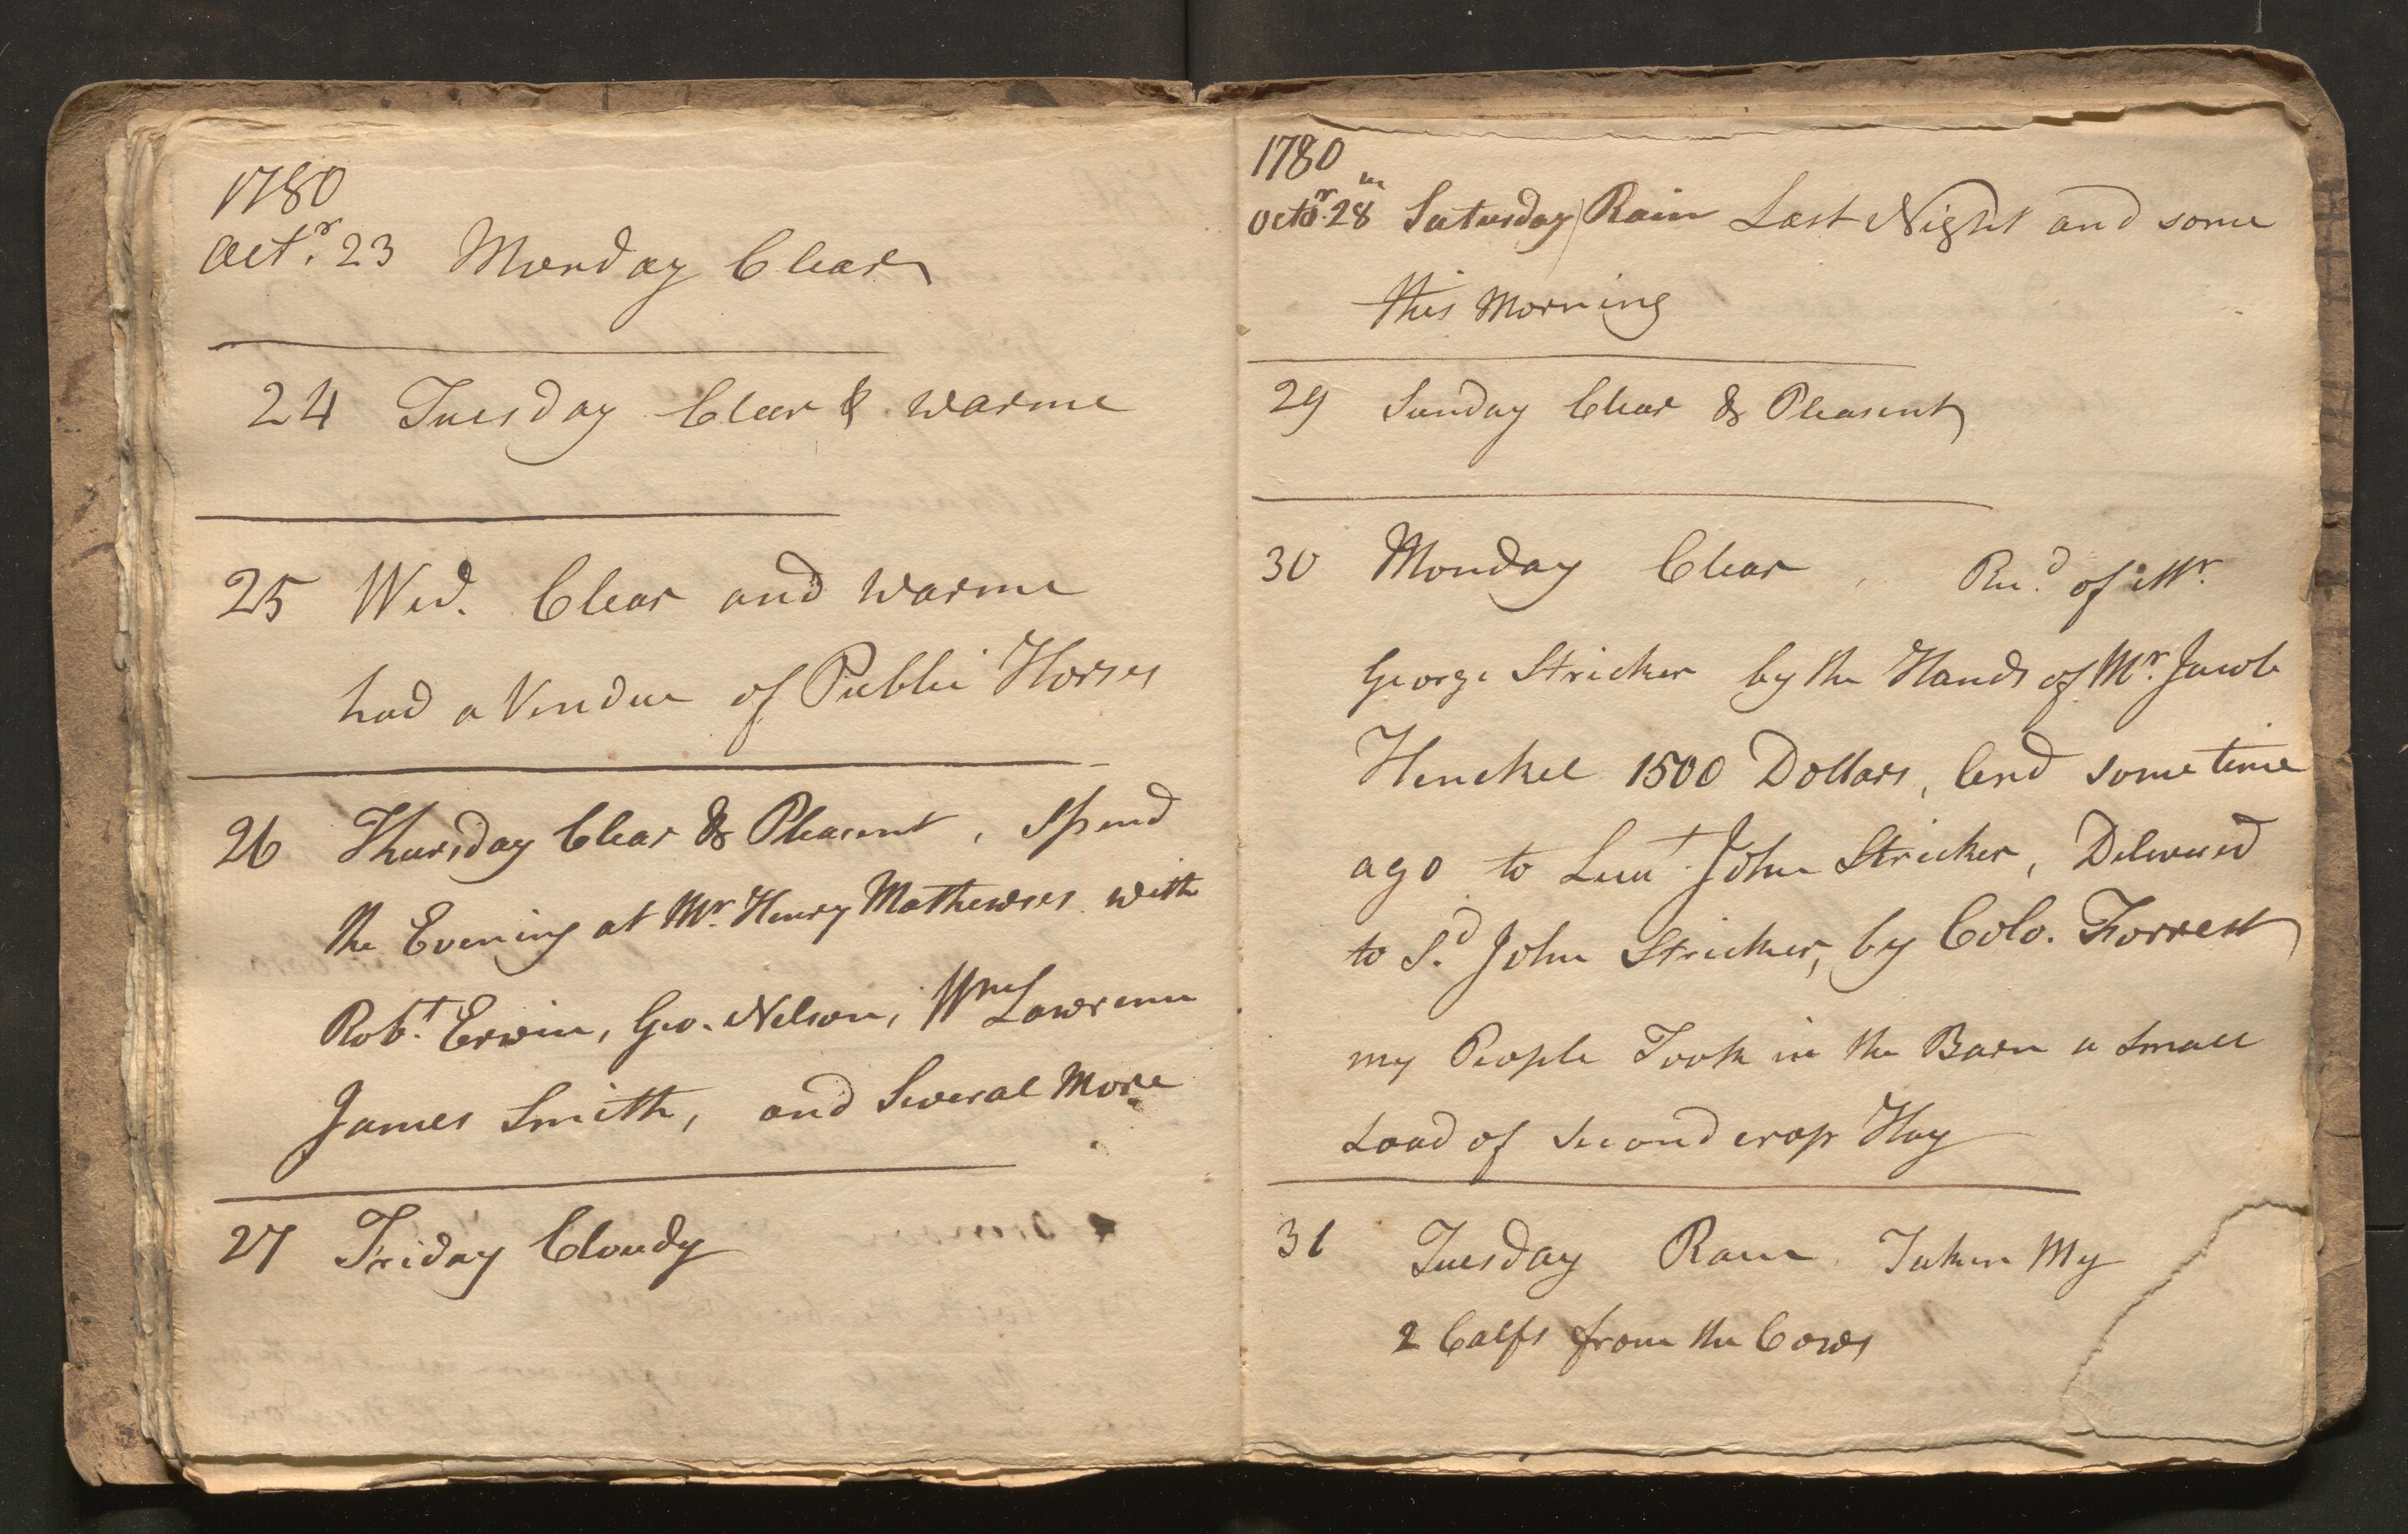1780
Oct^r. 23 Monday, Clear
24 Tuesday Clear & warme
25 Wed. Clear and warme
had a Vendue of Public Horses
26 Thursday Clear & Pleasent, spend
the Evening at M^r. Henry Mathewses with
Rob^t. Erwin, Geo. Nelson, W^m Lawrence
James Smith, and Several More
27 Friday Cloudy
1780
Octo^r. 28^th Saturday Rain Last Night and some
this Morning
29 Sunday Clear & Pleasent
30 Monday Clear Rec^d. of M^r.
George Stricker by the Hands of M^r. Jacob
Henckel 1500 Dollars, lend some time
ago to Lieu^t John Stricker, Delivered
to s^d. John Stricker, by Colo. Forrest
my People Took in the Barn a small
Load of second crop Hay
31 Tuesday Rain. Taken My
2 Calfs from the Cows